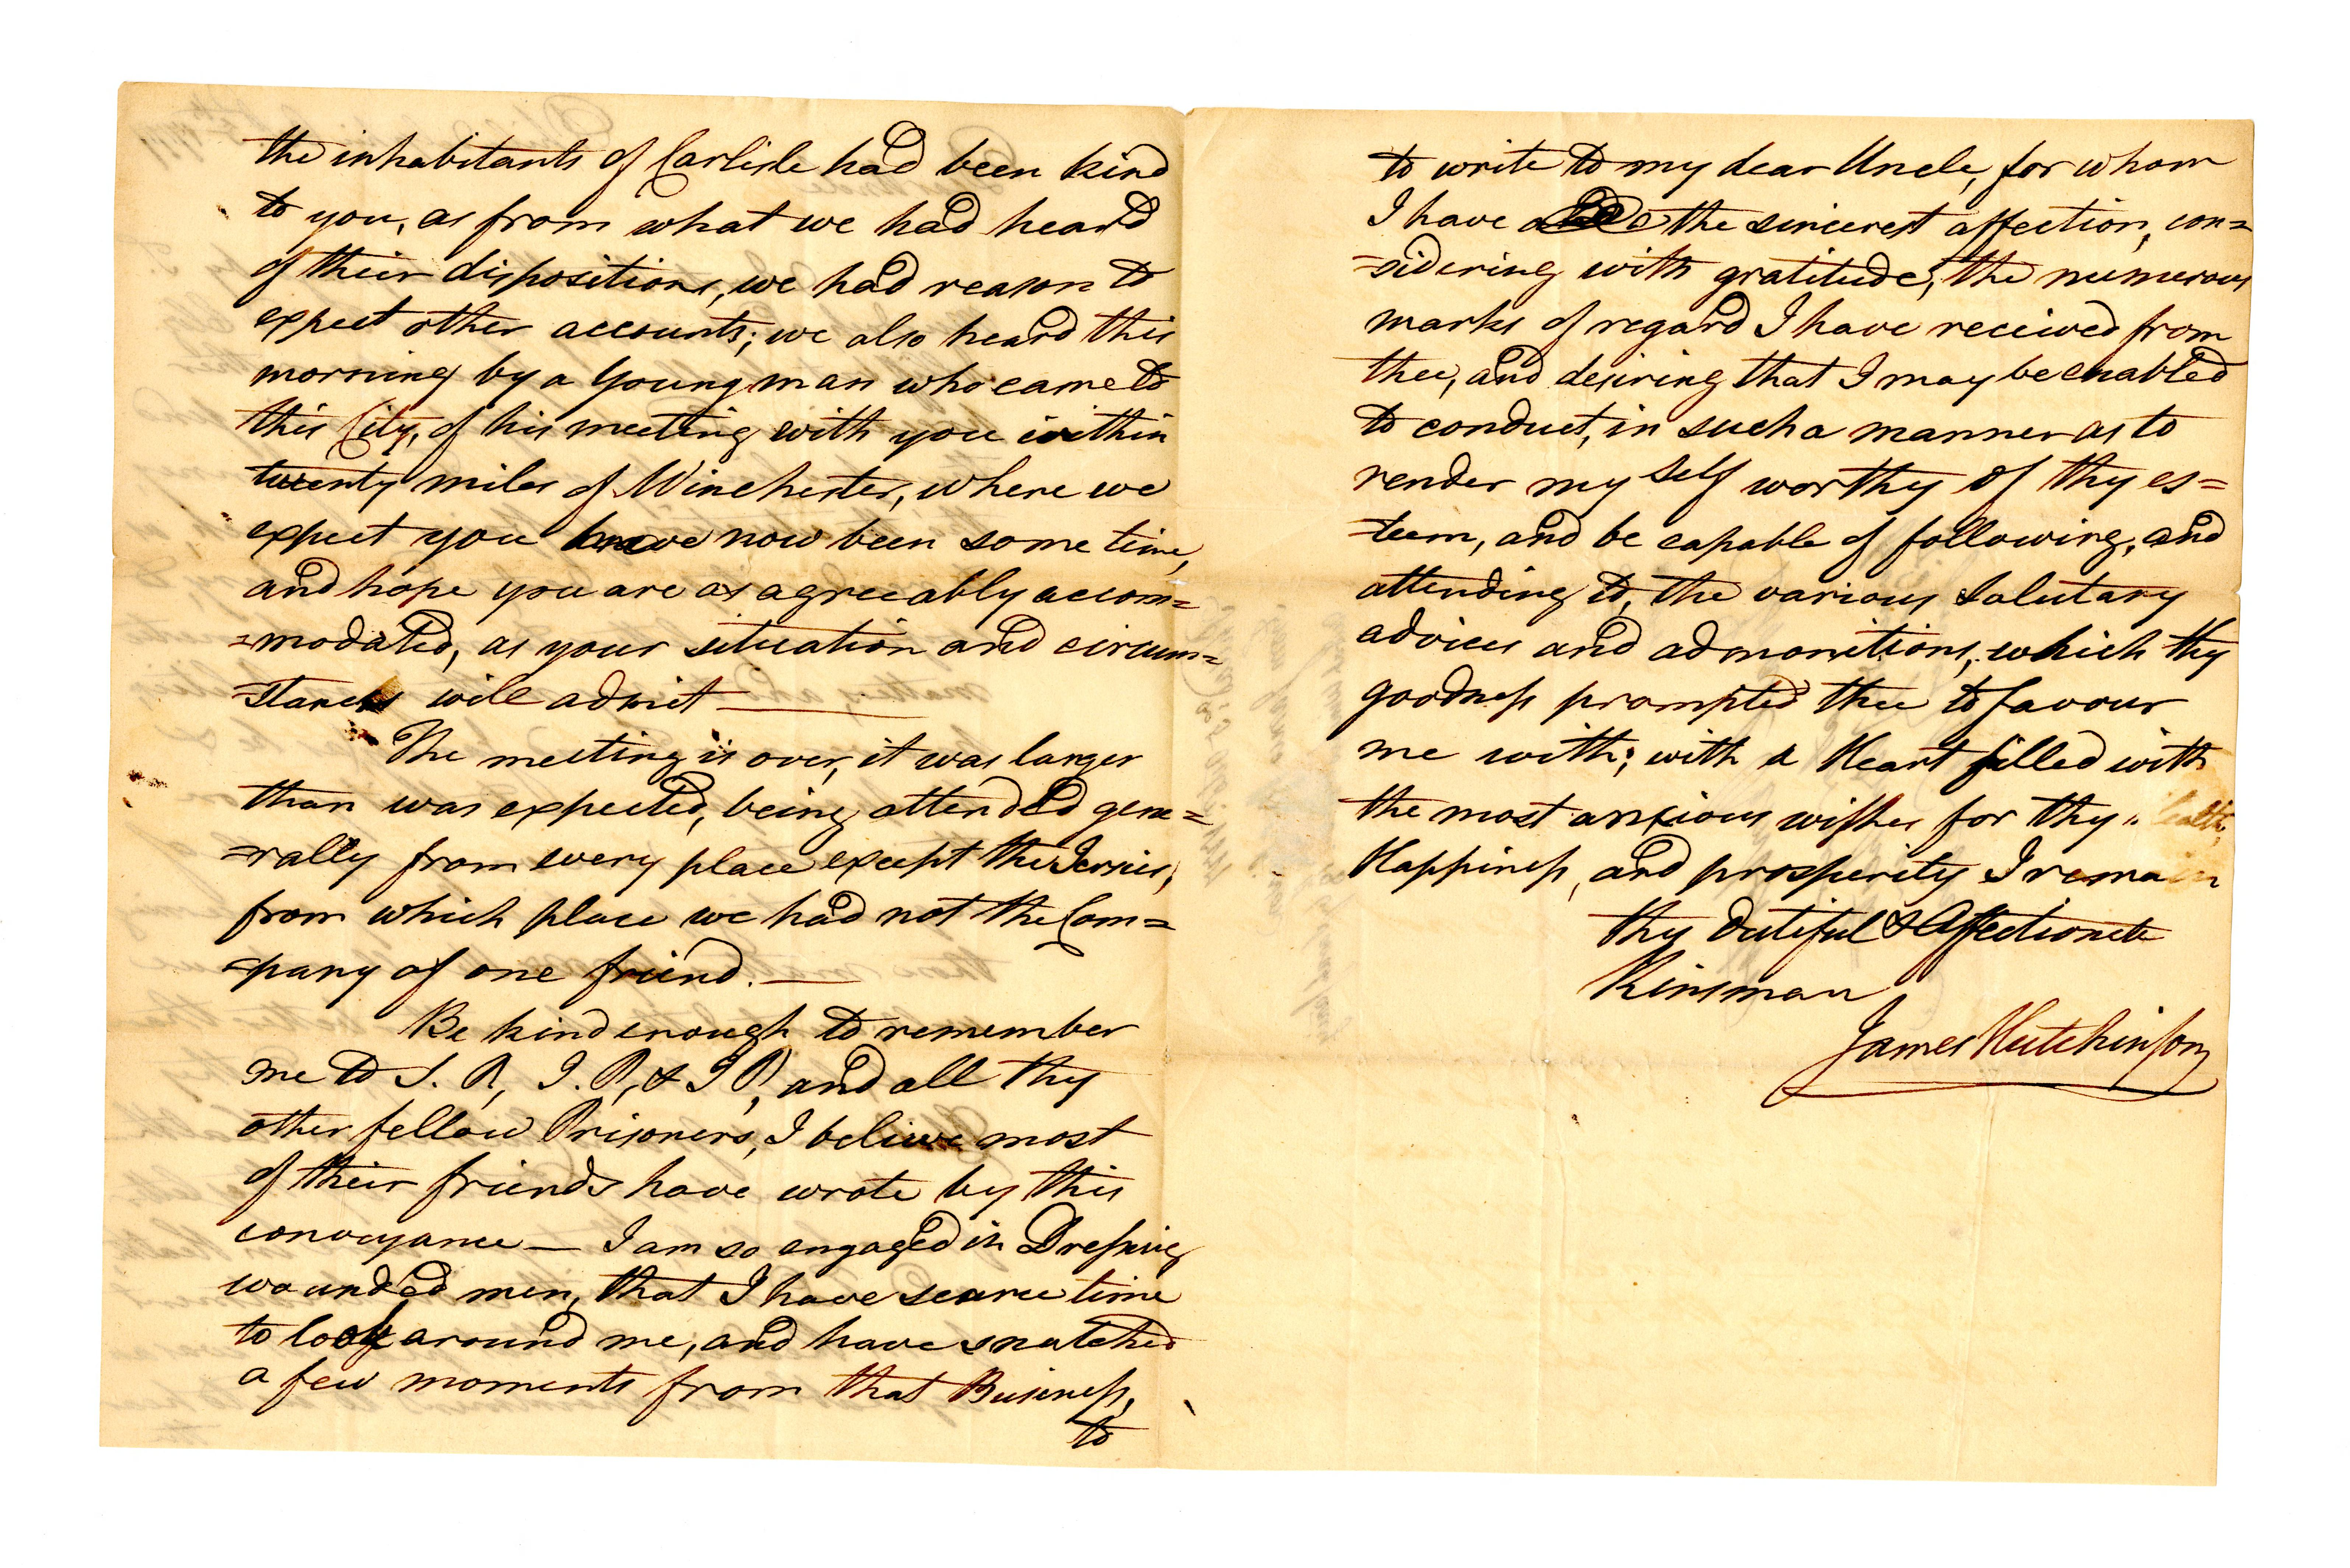the inhabitants of Carlisle had been kind
to you, as from what we had heard
of their disposition, we had reason to
expect other accounts; we also heard this
morning by a Young man who came to
this City of his meeting with you within
twenty miles of Winchester, where we
expect you have now been some time,
and hope you are as agreeably accom-
-modated, as your situation and circum-
-stance will admit-
The meeting is over, it was longer
than was expected, being attended gene-
-rally from every place except the Jersies,
from which place we had not the Com-
-pany of one friend.-
Be kind enough to remember
me to S. P, J. P, & J P, and all thy
other fellow Prisoners, I believe most
of their friends have wrote by this
conveyance- I am so engaged in Dressing
wounded men, that I have scarce time
to look around me, and have snatched
a few moments from tat Business,
to
to write to my dear Uncle, for whom
I have [____] the sincerest affection, con-
-sidering with gratitude, the numerous
marks of regard I have received from
thee, and desiring that I may be enabled
to conduct, in such a manner as to
render my self worthy of thy es-
-teem, and be capable of following, and
attending to, the various salutary
advices and admonitions, which thy
goodness prompted thee to favour
me with; with a Heart filled with
the most anxious wishes for thy Health
Happiness, and prosperity I remain
thy dutiful & Affectionate
Kinsman
James Hutchinson